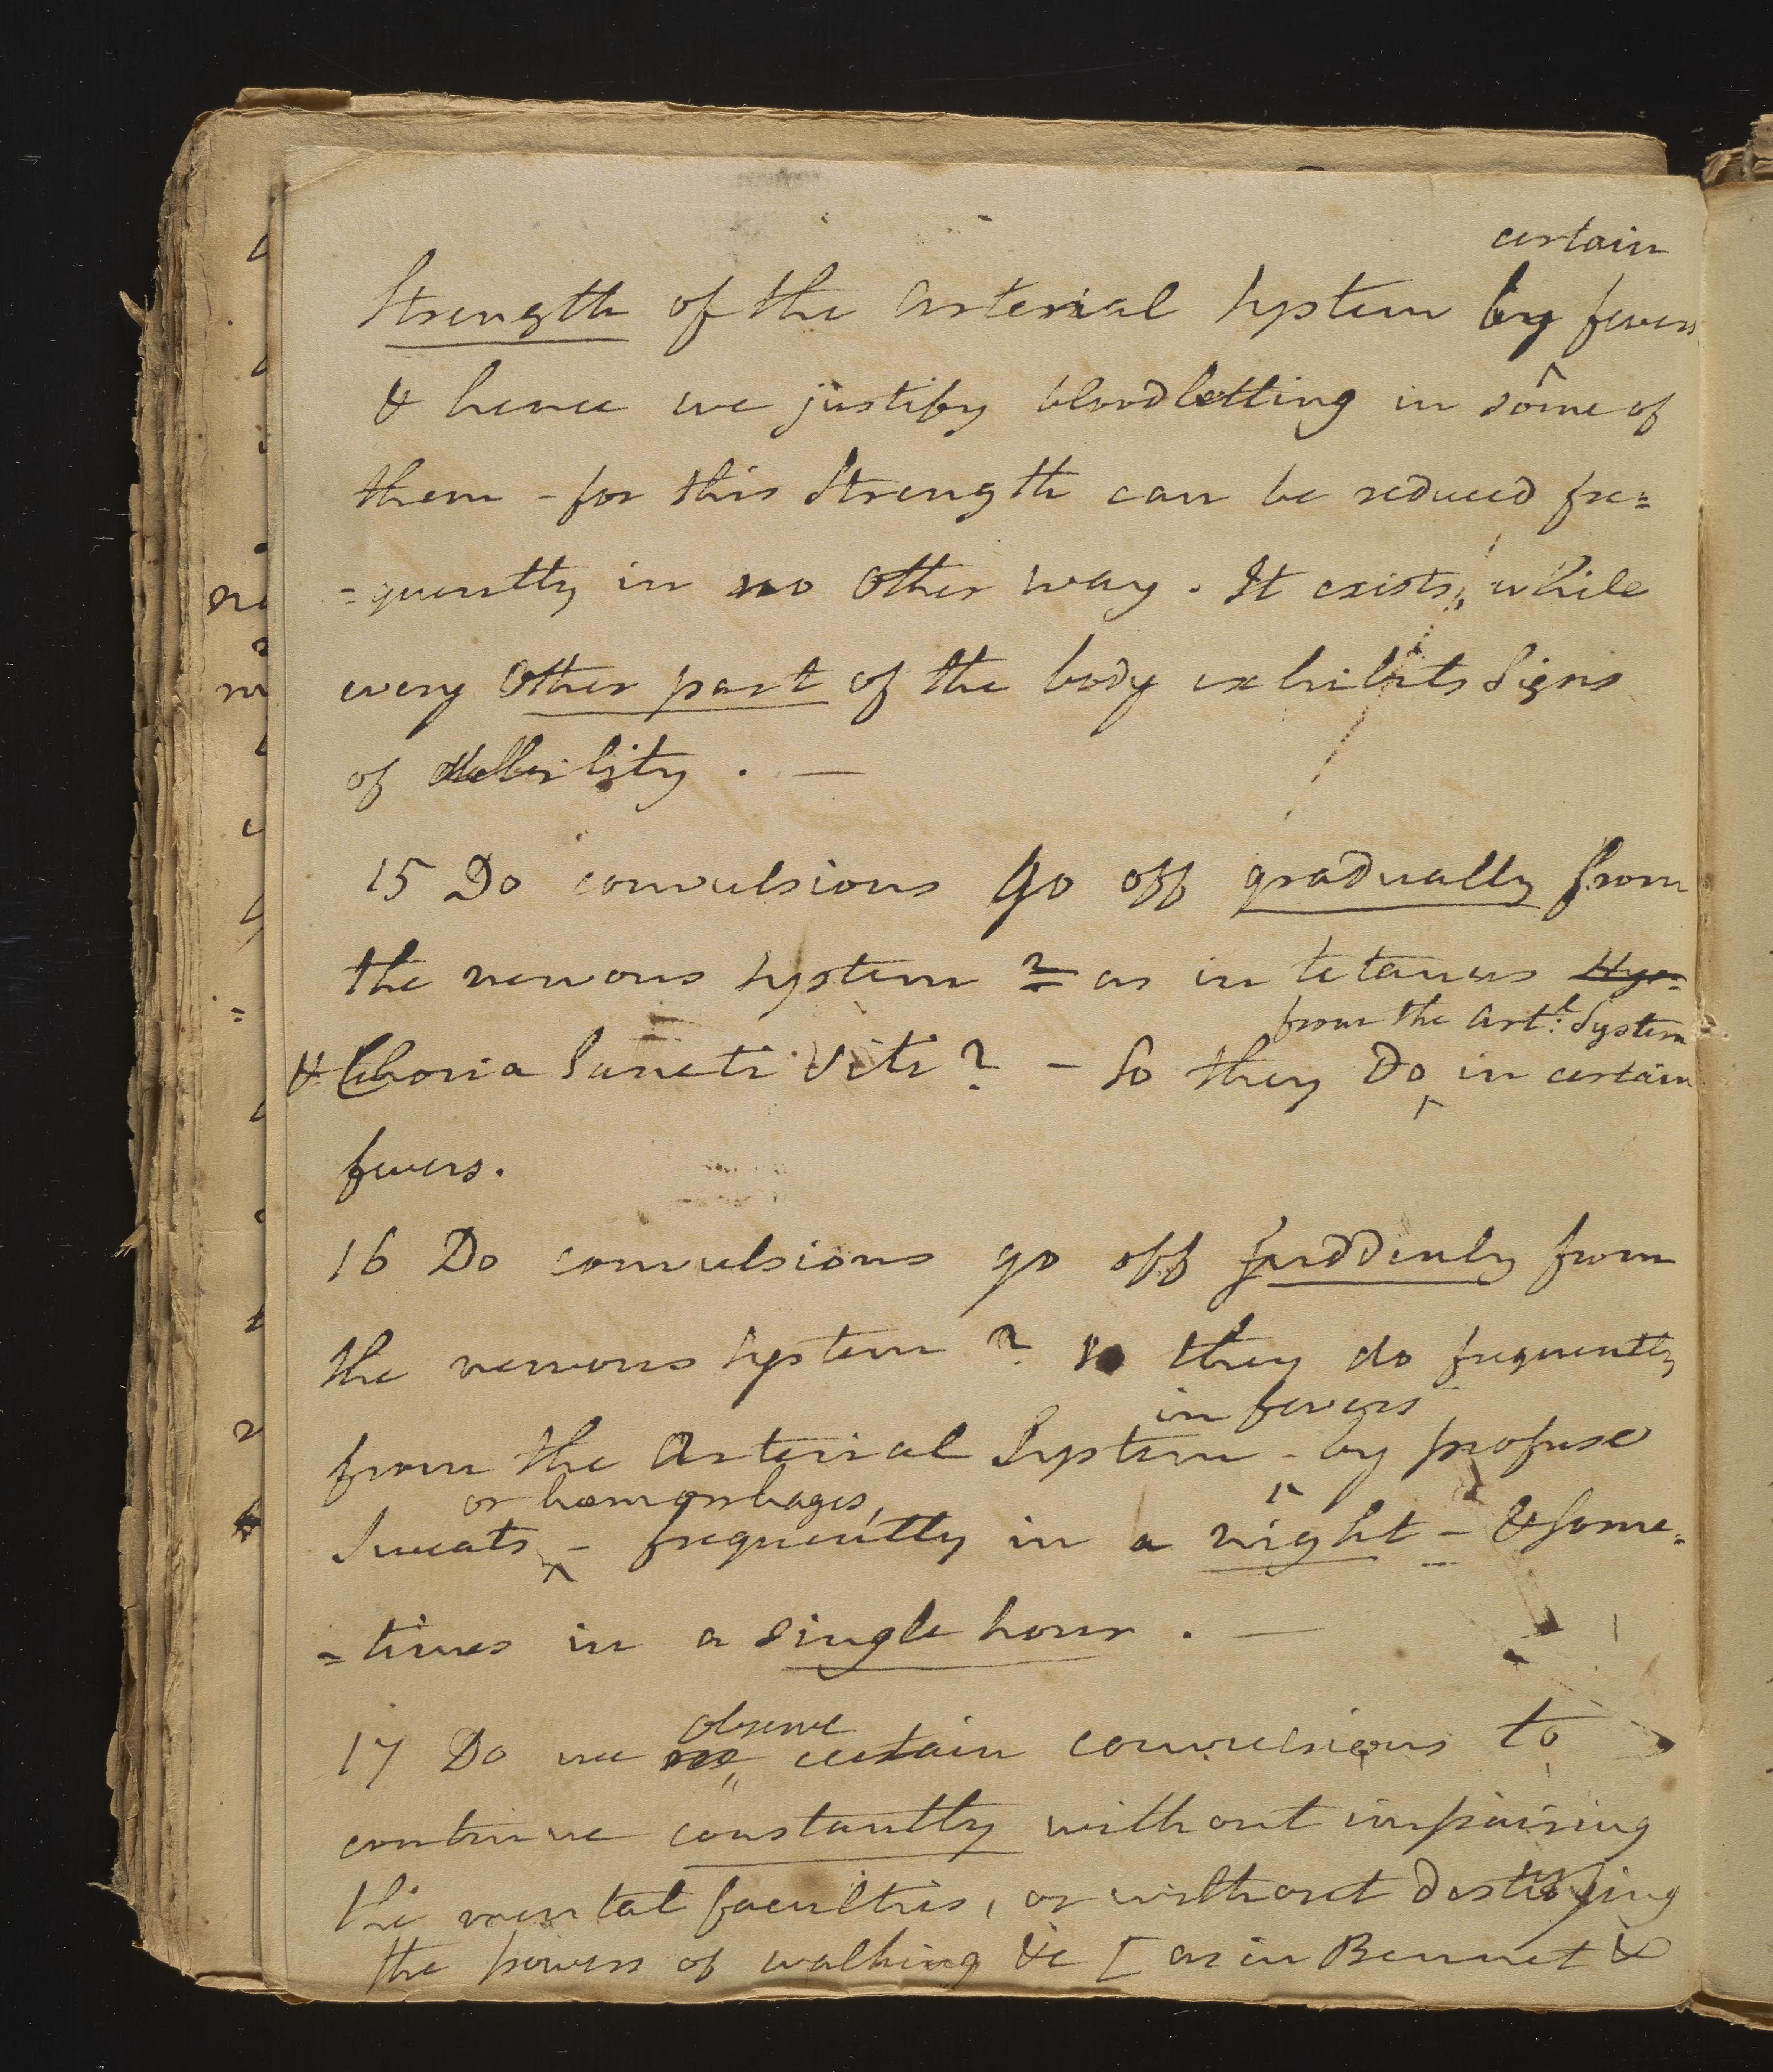certain
Strength of the arterial system by ^ fevers
& hence we justify bloodletting in some of
them, for this strength can be reduced fre-
-quently in no other way. It exists, while
every other part of the body exhibits signs
of debility.
15 Do convulsions go off gradually from
the nervous system? As in tetanus hypo-
from the art^l: system
-choria sarets vits? So they do ^ in certain
fevers.
16 Do convulsions go off suddenly from
the nervous system? So they do frequently
in fevers
from the arterial system ^ by profuse
or hemorhages
sweats ^ frequently in a night, & some-
-times in a single hour
observe
17 Do we [see] ^ certain convulsions to
contrive constantly without impairing
the mental faculties, or without destroying
powers of walking &c (as in Bennet &c